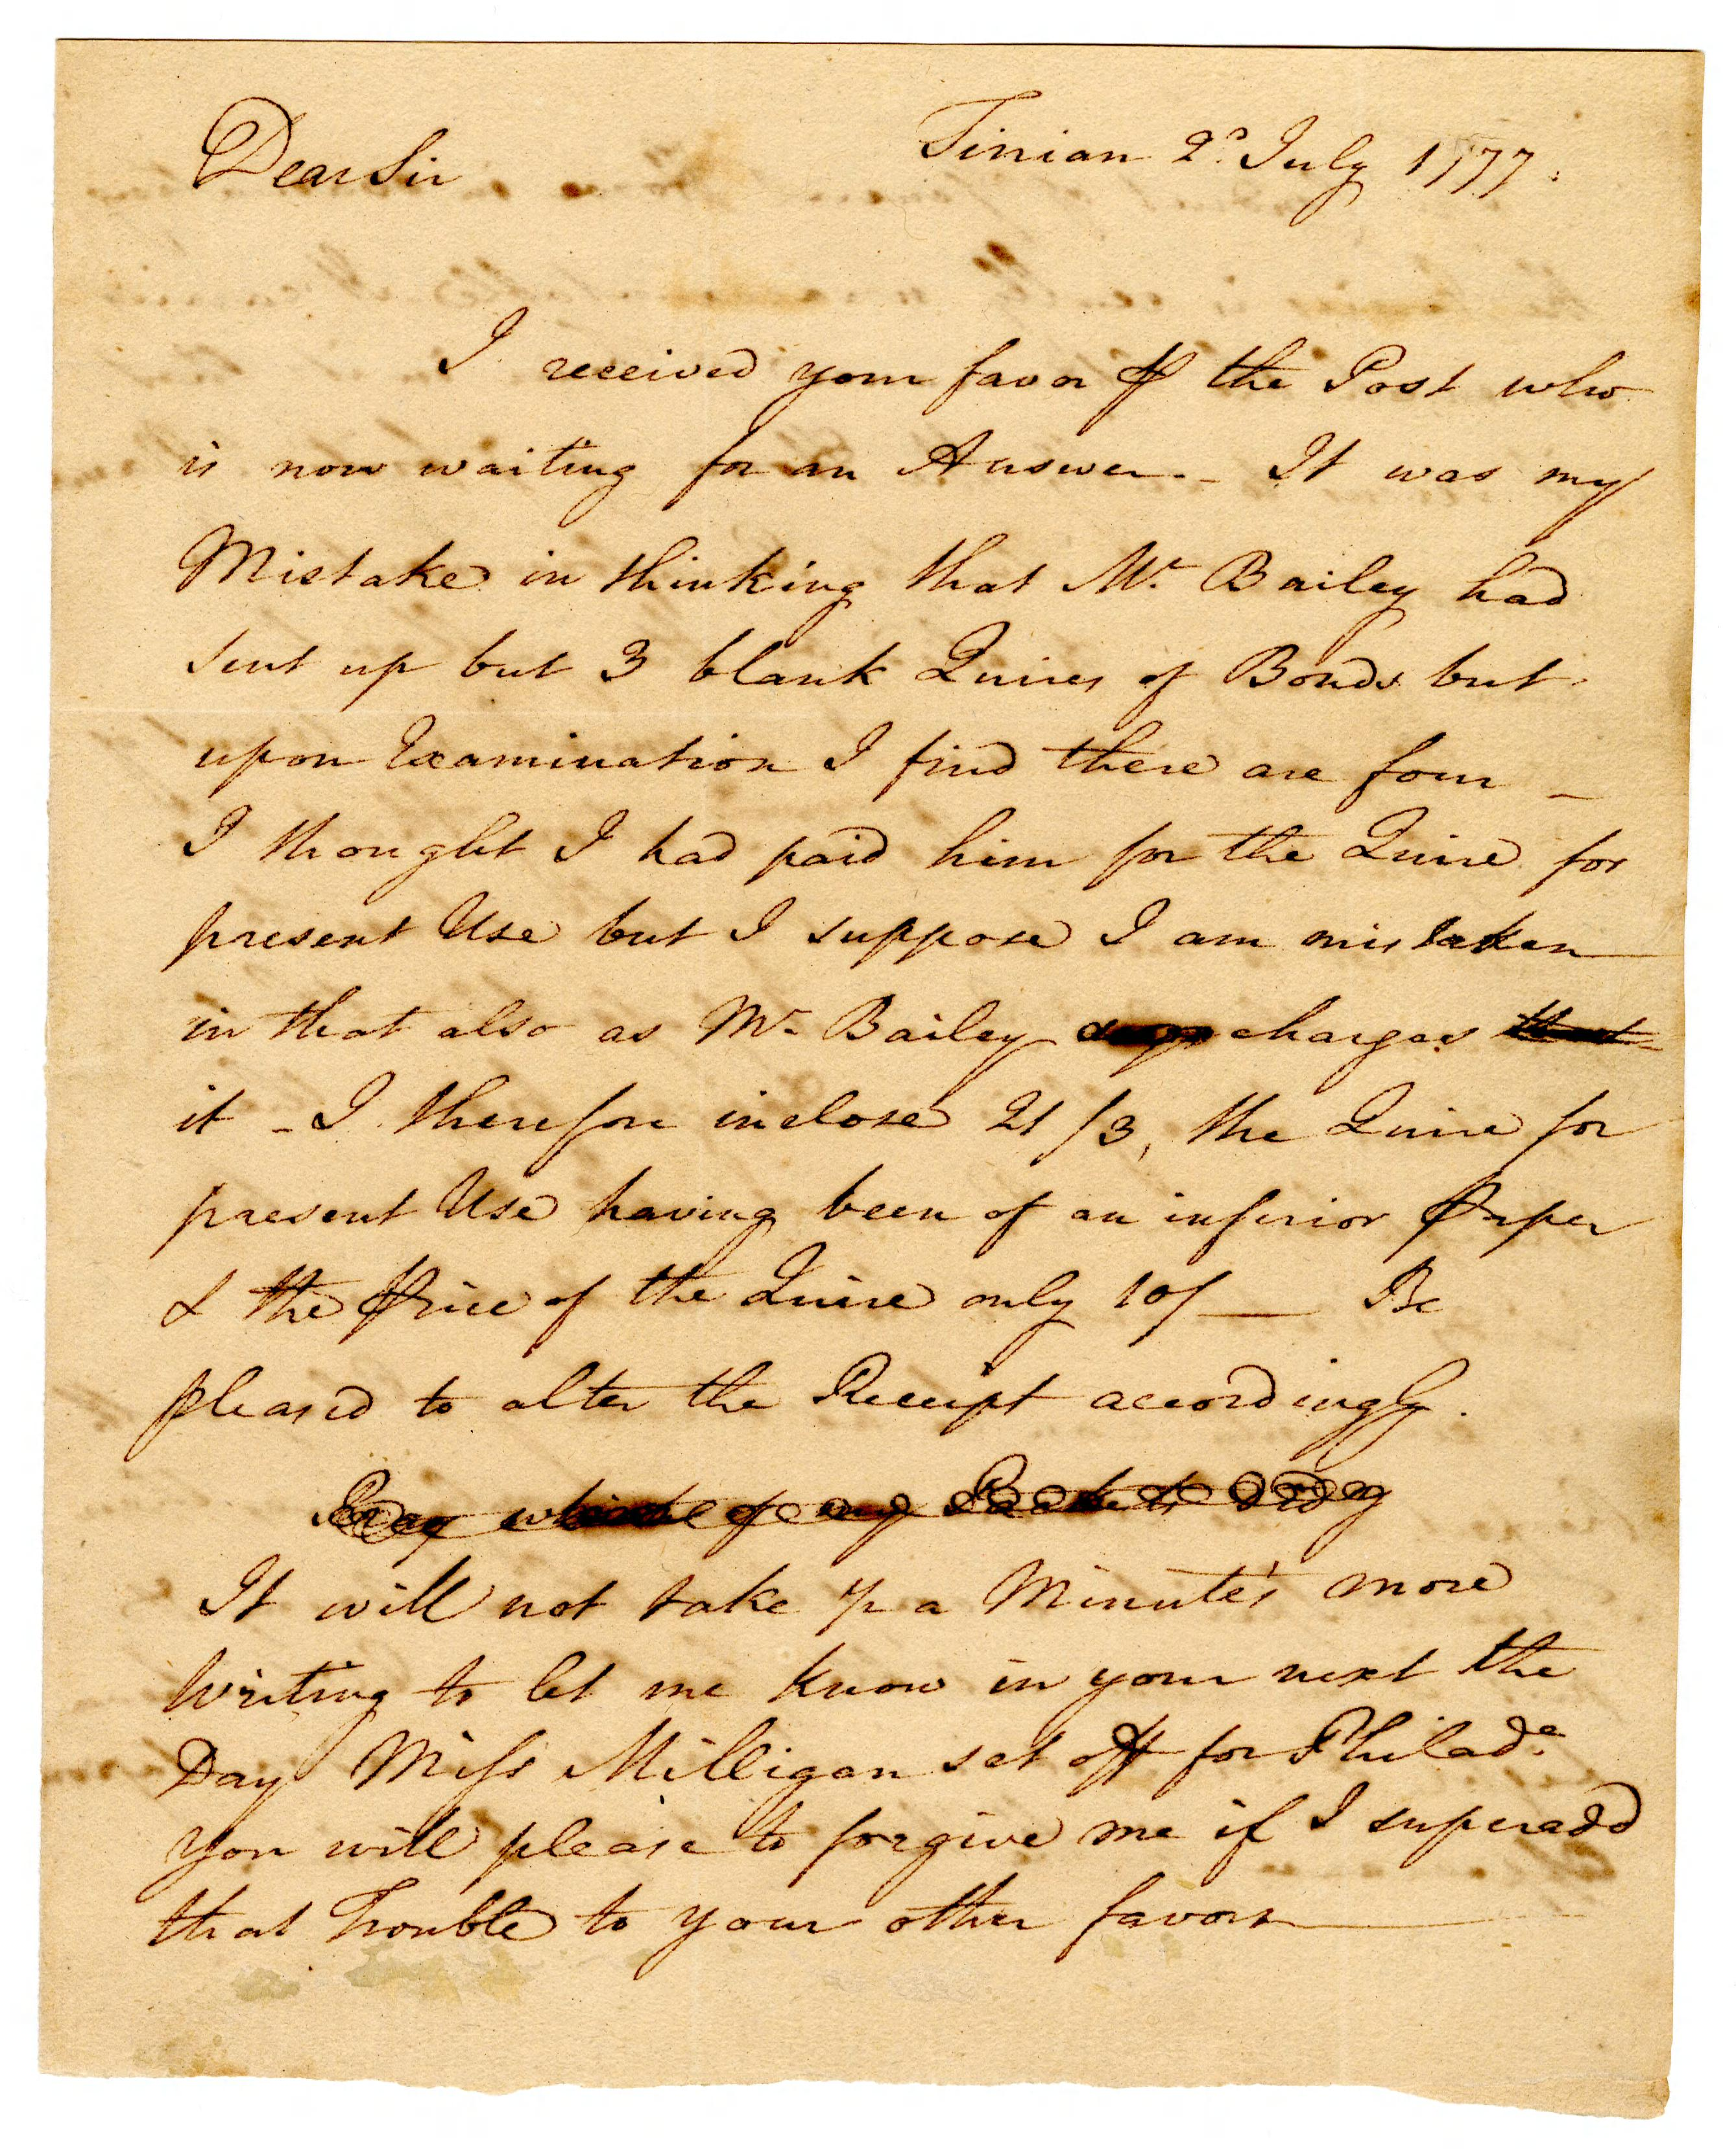Tinian 2^d. July 1777
Dear Sir
I received your favor per the Post who
is now waiting for an Answer.- It was my
Mistake in thinking that M^r. Bailey had
sent up but 3 blank Quires of Bonds but
upon Examination I find there are four-
I thought I had paid him for the Quire for
present Use but I suppose I am mistaken
in that also as M^r. Bailey [__] charges [that]
it. I therefore inclose 21s3, the Quire for
present Use having been of an inferior Paper
& the Price of the Quire only 10s- Be
pleased to alter the Receipt accordingly
It will not take 1/2 a Minute's more
Writing to let me know in your next the
Day Miss Milligan set off for Philad^a.
You will please to forgive me if I superadd
that Trouble to your other favors